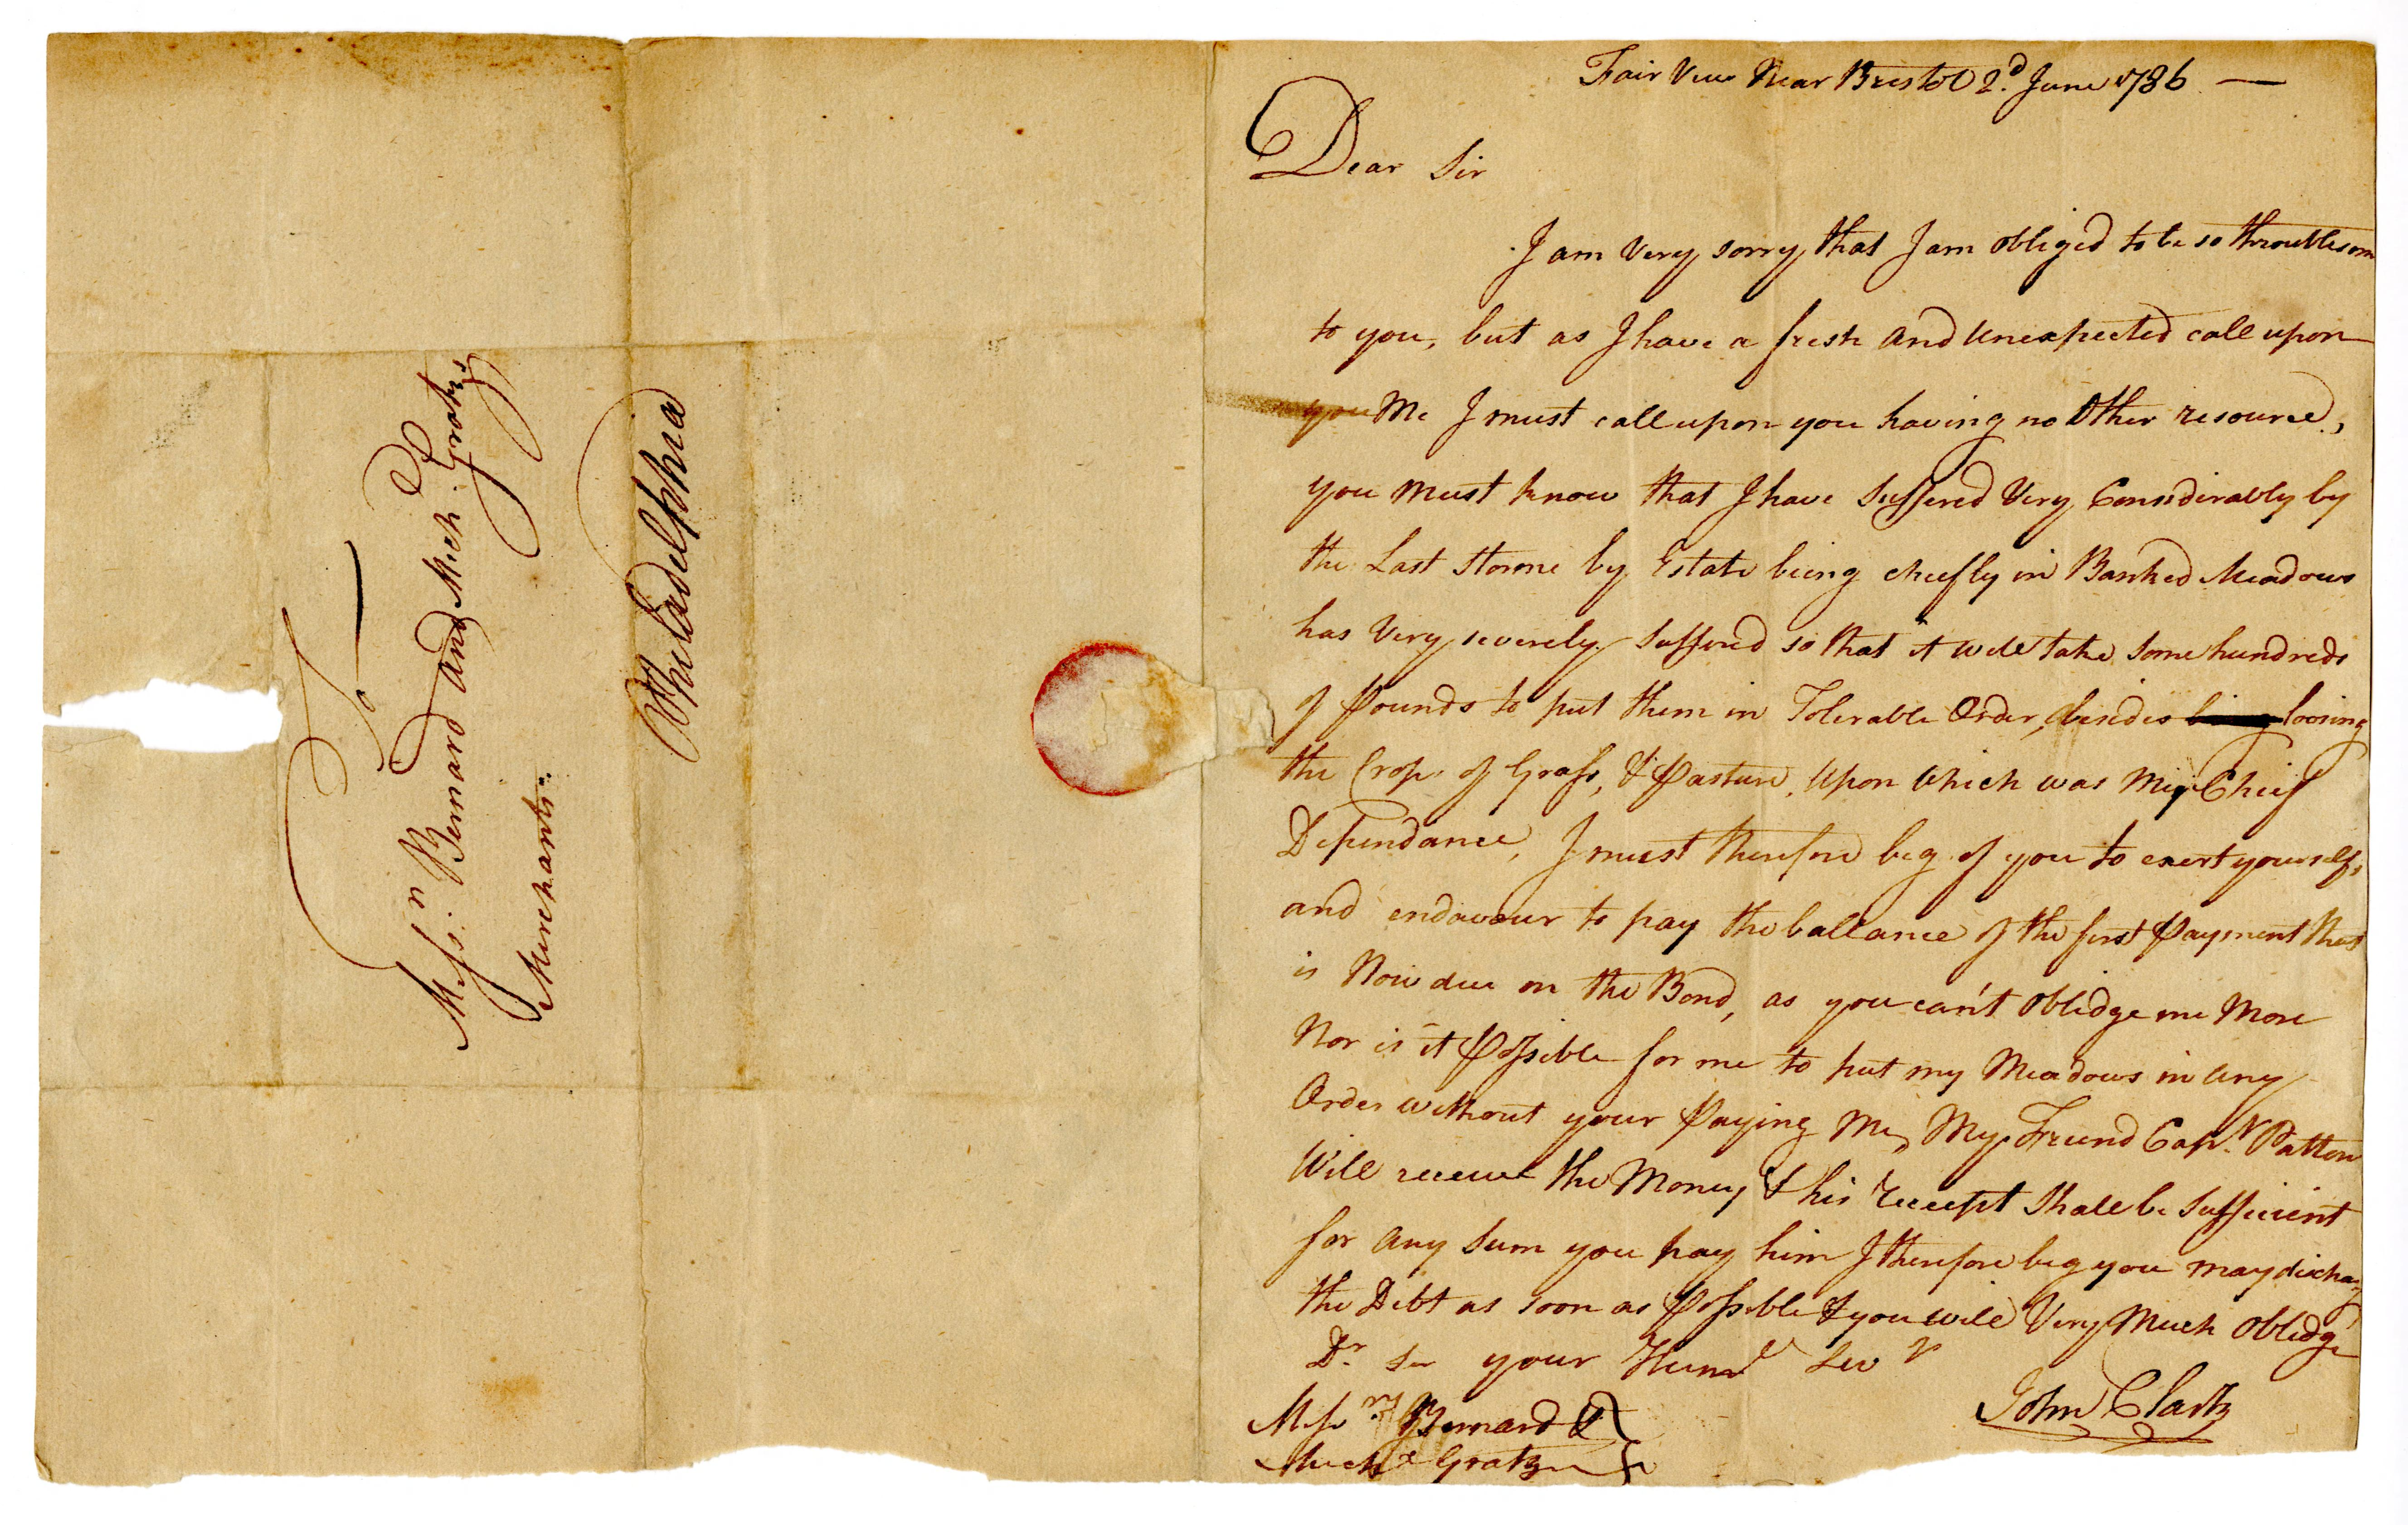Mess^rs Barnard and Mich^l Gratz
Merchants
Philadelphia
Fairview Near Bristol 2^d June 1786
Dear Sir
I am very sorry that I am obliged to be so troublesom
to you, but as I have a fresh and unexpected call upon
[you] Me I must call upon you having no other resource,
you must know that I have suffered Very Considerably by
the Last Storm by Estate being chiefly in Banked Meadows
has Very severely, Suffered so that it will take Some hundreds
of pounds to put them in Tolerable order besides [____] loosing
the Crop of Grass, & Pasture upon Which was My Chief
Dependence, I must therefore beg of you to exert yourself
and endaevor to pay the ballance of the first payment that
is Now due on the Bond as you cant oblidge me More
Nor is it Possible for me to put my Meadows in any
Order without your Paying me, My, Friend Cap^t. Patton
Will receive the Money & his receipt shall be Sufficient
for any Sum you pay him I therefore beg you may discharg
the Debt as soon as possable & you will Very Much oblidge
D^r. sir your hum^le Serv
John Clark
Mess^rs Barnard &
Mich^l Gratz